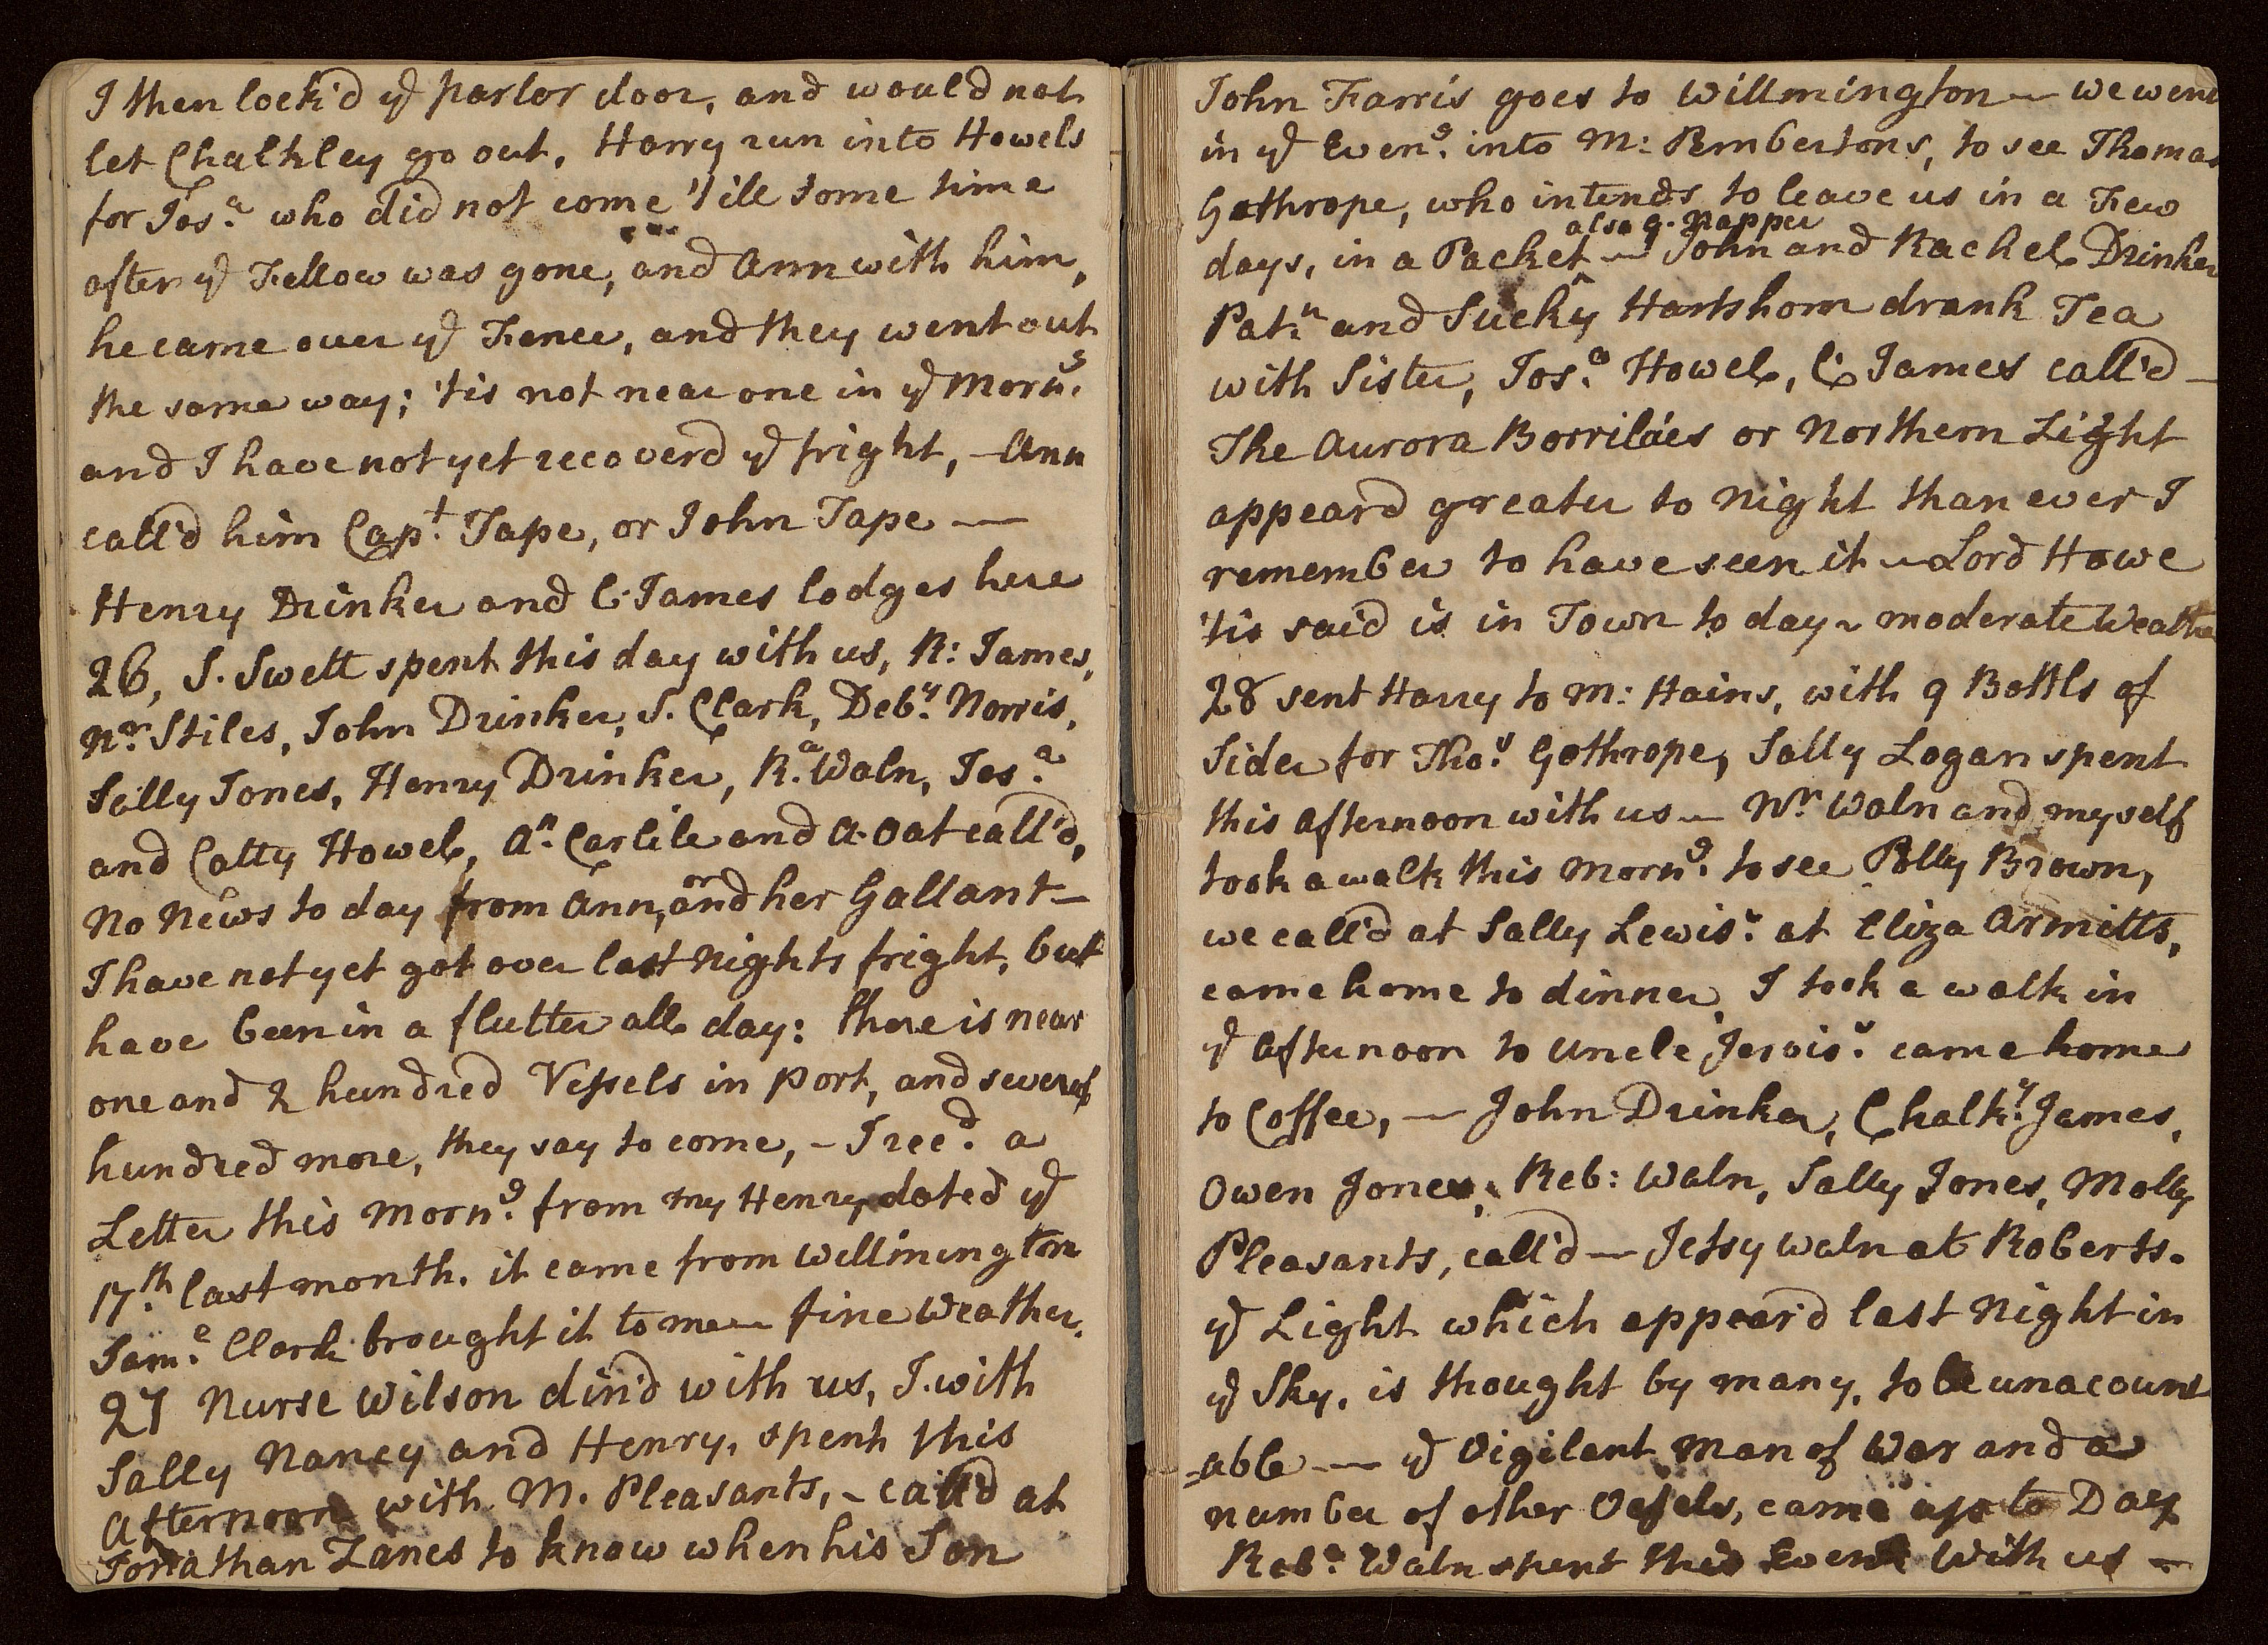I then lock'd y^e parlor door, and would not
let Chalkley go out, Harry run into Howels
for Jos^a. who did not come 'till some time
after y^e Fellow was gone, and Ann with him,
he came over y^e Fence, and they went out
the same way; 'tis not near one in y^e Morn^g.
and I have not yet recoverd y^e fright,- Ann
call'd him Cap^t. Tape, or John Tape-
Henry Drinker and C. James lodges here
28, S. Swelt spent this day with us, N: James,
N^r. Stiles, John Drinker, S. Clark, Deb^y. Norris,
Sally Jones, Henry Drinker, R^a. Waln, Jos^a.
and Catty Howel, A^n. Carlile and A. Oat call'd,
no news to day from Ann, and her Gallant-
I have not yet got over last nights fright, but
have been in a flutter all day: there is near
one and 2 hundred Vessels in port, and several
hundred more, they say to come,- I rec^d. a
Letter this morn^g. from my Henry dated y^e
17^th. last month, it came from Willmington
Sam^l. Clark brought it to men fine weather,
27 Nurse Wilson din'd with us, I with
Sally Nancy and Henry, spent this
Afternoon with M. Pleasants,- call'd at
Jonathan Lanes to know when his Son
John Farris goes to willmington- we went
in y^e Even^g. into M: Pembertons, to see Thomas
Gathrope, who intends to leave us in a Few
also G. Pepper
days, in a Packet ^ - John and Rachel Drinker
Pat^n. and Sucky Hartshorn drank Tea
with Sister, Jos^a. Howel, C. James call'd -
The Aurora Borrilaes or Northern Light
appeard greater to night than ever I
remember to have seen it - Lord Howe
'tis said is in Town to day - moderate weather
28 sent Harry to M: Hains, with 9 Bottls of
Sider for Tho^s. Gathrope, Sally Lagan spent
this afternoon with us- N^r. Waln and myself
took a walk this Morn^g. to see Polly Brown,
we call'd at Sally Lewis^s. at Eliza Armitts,
came home to dinner. I took a walk in
y^e Afternoon to Uncle Jervis^s. came home
to Coffee,- John Drinker, Chalk^y. James,
Owen Jones, Reb: Waln, Sally Jones, Molly
Pleasants, call'd- Betsy Waln at Roberts.
y^e Light which appear'd last night in
y^e Sky, is thought by many, to be unacount
- able- y^e Vigilant Man of war and a
number of other Vesels, came up to Day
Reb^a. Waln spent this Even[^g] With us-